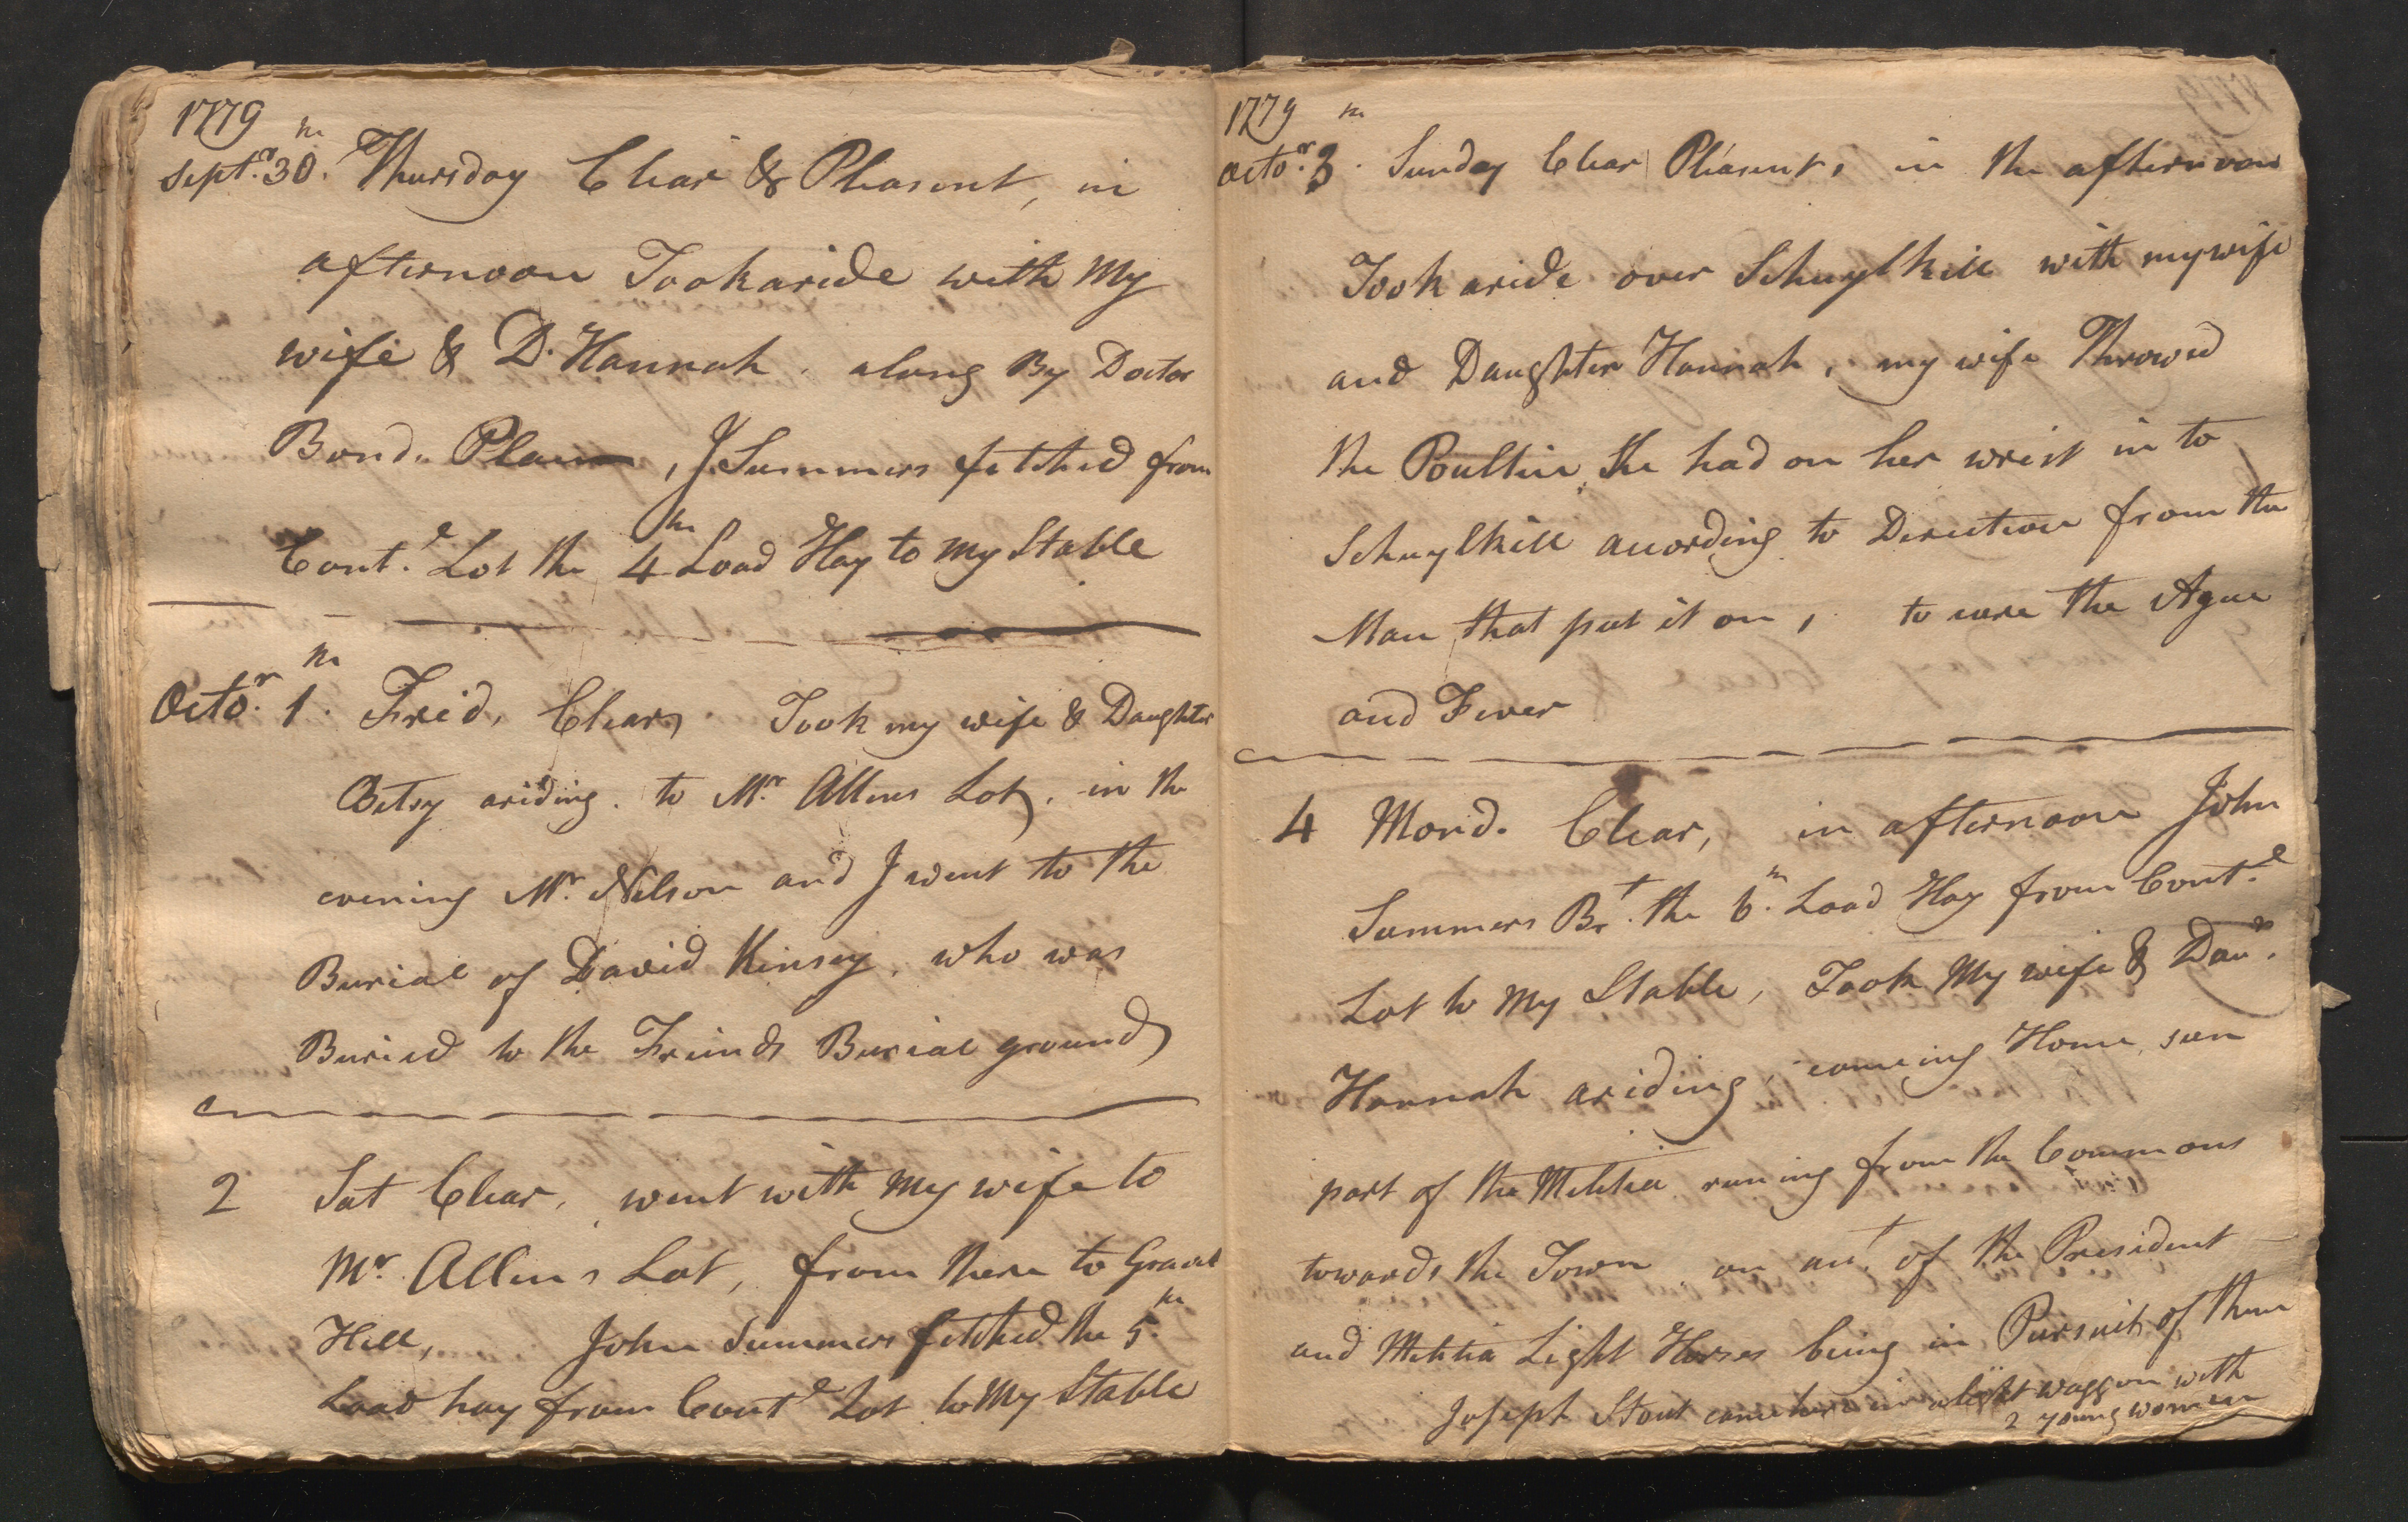1779
Sept^r. 30^th. Thursday Clear & Pleasent, in
afternoon Took a ride with my
wife & D^r. Hannah. along By Doctor
Bond. Plain, J Summers fetched from
Cont^l. Lot the 4^th Load Hay to my Stable
Octo^r. 1^th. Frid. Clear Took my wife & Daughter
Betsy ariding. to M^r. Allens Lot. in the
evering M^r. Nelson and I went to the
Burial of David Kinsey, who was
Buried to the Friends Burial ground
2 Sat Clear, went with my wife to
M^r. Allens Lot, from there to Gravel
Hill, John Summers fetched the 5^th.
Load hay from Cont^t Lot to My Stable
1779
Octo^r. 3^th. Sunday Clear Pleasent, in the afternooon
Took a ride over Schuylkill with my wife
and Daughter Hannah, my wife Throwed
the Poultice she had on her wrist in to
Schuylkill according to Direction from the
Man that put it on, to cure the Ague
and Fever
4 Mond. Clear, in afternoon John
Summers Br^t. the 6^th. Load Hay from Cont^l.
Lot to My Stable, Took My wife & Dau^r.
Hannah a riding coming Home, seen
part of the Militia runing fr one the Commons
towards the Town on acc^t. of the President
and Militia Light Horses being in Pursuit of there
Joseph Stout came home in a light waggon with
2 young women